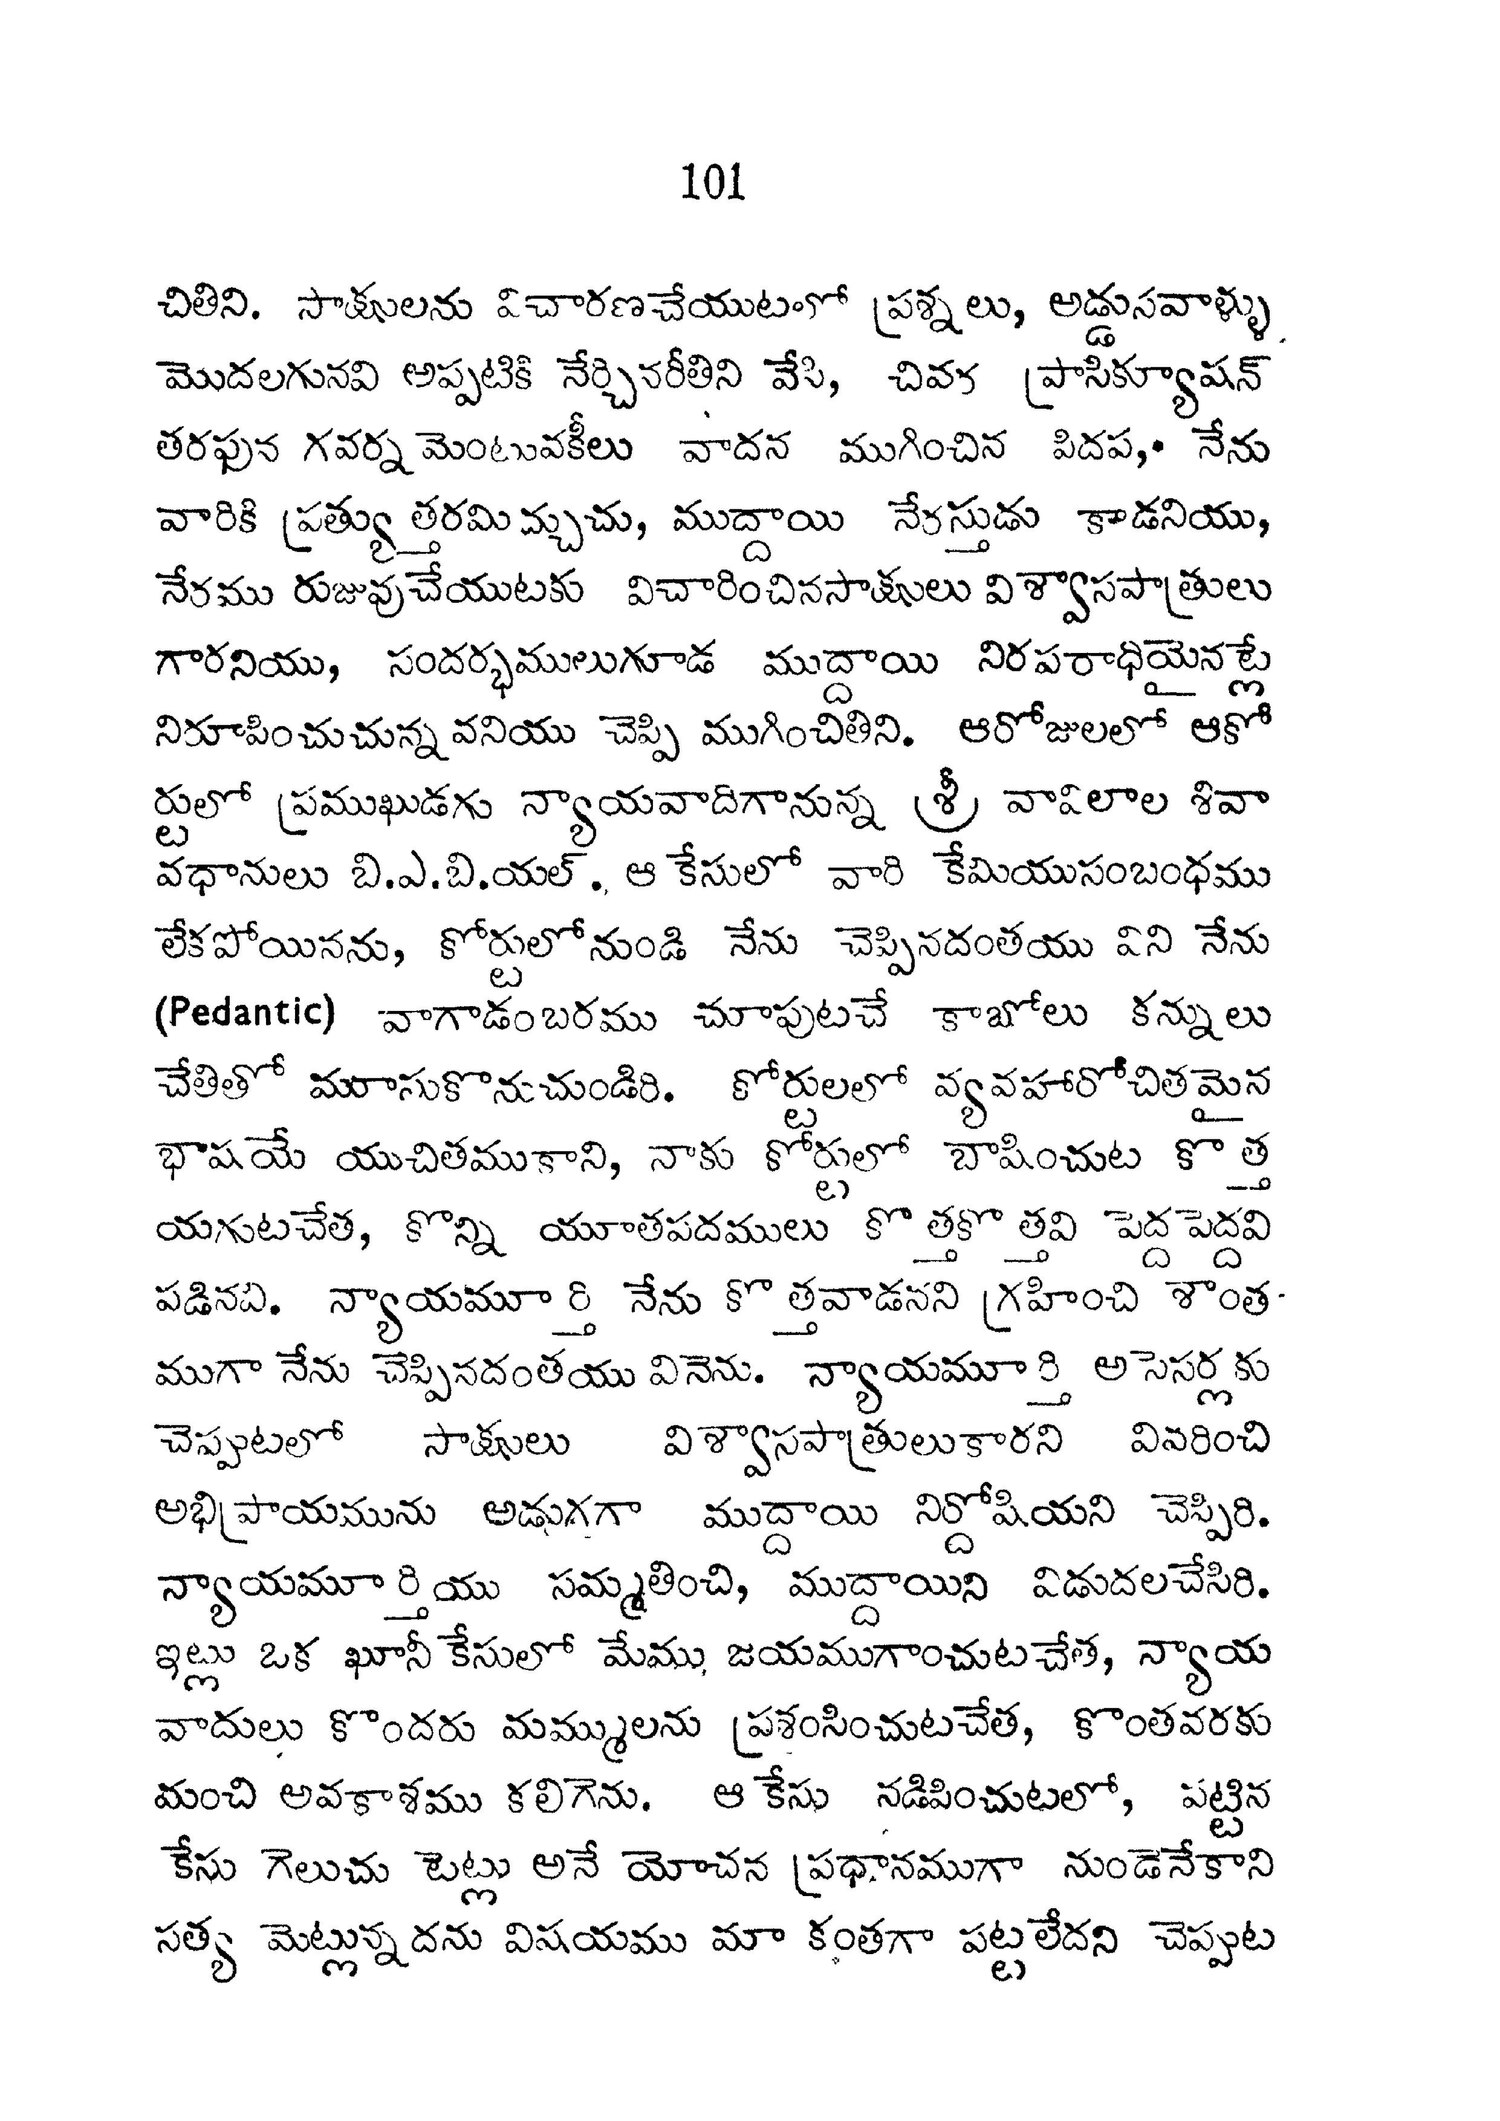చితిని. సాక్షులను విచారణచేయుటలో ప్రశ్నలు, అడ్డుసవాళ్ళు మొదలగునవి అప్పటికి నేర్చినరీతిని వేసి, చివర ప్రాసిక్యూషన్ తరపున గవర్నమెంటువకీలు వాదన ముగించిన పిదప, నేను వారికి ప్రత్యుత్తరమిచ్చుచు, ముద్దాయి నేరస్తుదు కాడనియు, నేరము రుజువుచేయుటకు విచారించినసాక్షులు విశ్వాసపాత్రులు గారనియు, సందర్భములుగూడ ముద్దాయి నిరపరాధియైనట్లే నిరూపించుచున్నవనియు చెప్పి ముగించితిని. ఆరోజులలో ఆకోర్టులో ప్రముఖుడగు న్యాయవాదిగానున్న శ్రీ వావిలాల శివావధానులు బి,ఎ.బి.యల్. ఆ కేసులో వారి కేమియుసంబంధము లేకపోయినను, కోర్టులోనుండి నేను చెప్పినదంతయు విని నేను (Pedantic) వాగాడంబరము చూపుటచే కాబోలు కన్నులు చేతితో మూసుకొనుచుండిరి. కోర్టులలో వ్యవహారోచితమైన భాషయే యుచితముకాని, నాకు కోర్టులో బాషించుట కొత్త యగుటచేత, కొన్ని యూతపదములు కొత్తకొత్తవి పెద్ద పెద్దవి పడినవి. న్యాయమూర్తి నేను కొత్తవాడనని గ్రహించి శాంతముగా నేను చెప్పినదంతయు వినెను. న్యాయమూర్తి అసెసర్లకు చెప్పుటలో సాక్షులు విశ్వాసపాత్రులుకారని వివరించి అభిప్రాయమును అడుగగా ముద్దాయి నిర్దోషియని చెప్పిరి. న్యాయమూర్తియు సమ్మతించి, ముద్దాయిని విడుదలచేసిరి. ఇట్లు ఒక ఖూనీకేసులో మేము జయముగాంచుటచేత, న్యాయవాదులు కొందరు మమ్ములను ప్రశంసించుటచేత, కొంతవరకు మంచి అవకాశము కలిగెను. ఆకేసు నడిపించుటలో, పట్టిన కేసు గెలుచు టెట్లు అనే యోచన ప్రధానముగా నుండెనేకాని సత్య మెట్లున్నదను విషయము మా కంతగా పట్టలేదని చెప్పుట